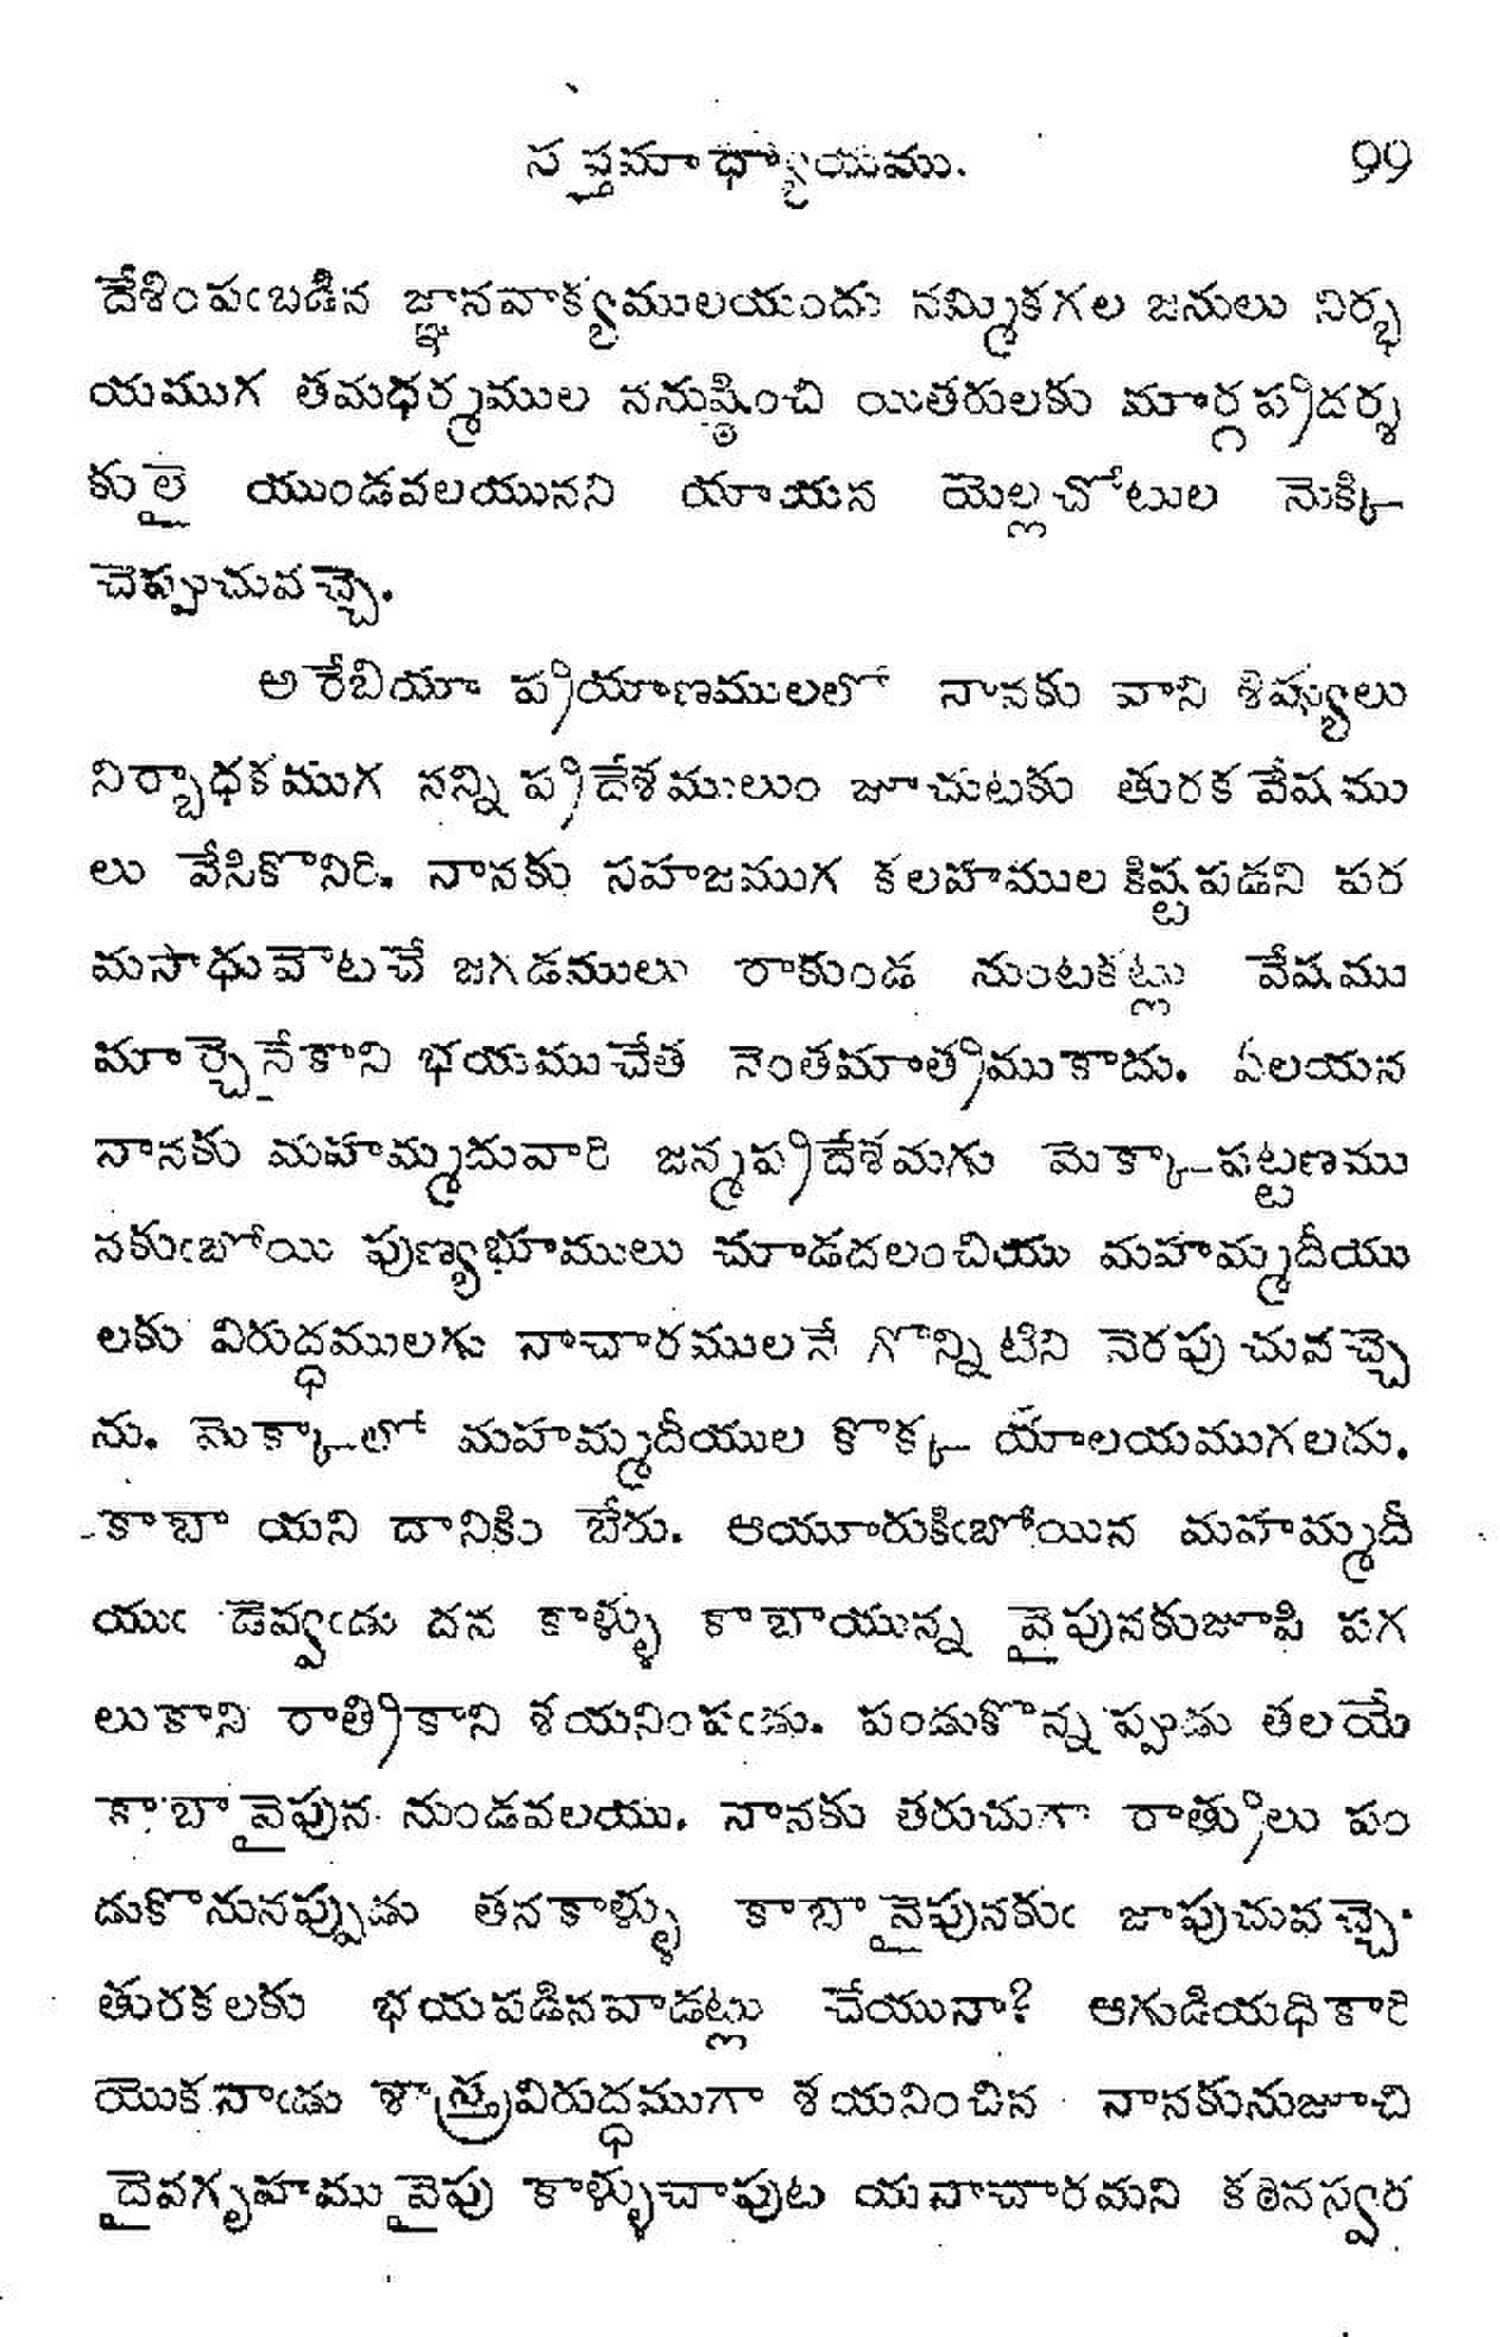దేశింపబడిన జ్ఞానవాక్యములయందు నమ్మికగల జనులు నిర్భయముగ తమధర్మముల ననుష్ఠించి యితరులకు మార్గప్రదర్శకులై యుండవలయునని యాయన యెల్లచోటుల నొక్కి చెప్పుచువచ్చె.

అరేబియా ప్రయాణములలో నానకు వాని శిష్యులు నిర్బాధకముగ నన్నిప్రదేశములుం జూచుటకు తురకవేషములు వేసికొనిరి. నానకు సహజముగ కలహముల కిష్టపడని పరమసాధువౌటచే జగడములు రాకుండ నుంటకట్లు వేషము మార్చెనేకాని భయముచేత నెంతమాత్రముకాదు. ఏలయన నానకు మహమ్మదువారి జన్మప్రదేశమగు మెక్కాపట్టణమునకు బోయి పుణ్యభూములు చూడదలంచియు మహమ్మదీయులకు విరుద్ధములగు నాచారములనే గొన్నిటిని నెరపుచువచ్చెను. మెక్కాలో మహమ్మదీయుల కొక్క యాలయముగలదు. కాబా యని దానికిం బేరు. ఆయూరుకిబోయిన మహమ్మదీయు డెవ్వడు దన కాళ్ళు కాబాయున్న వైపునకుజూపి పగలుకాని రాత్రికాని శయనింపడు. పండుకొన్నప్పుడు తలయే కాబావైపున నుండవలయు. నానకు తరుచుగా రాత్రులు పండుకొనునప్పుడు తనకాళ్ళు కాబావైపునకు జాపుచువచ్చె. తురకలకు భయపడినవాడట్లు చేయునా? ఆగుడియధికారి యొకనాడు శాస్త్రవిరుద్ధముగా శయనించిన నానకునుజూచి దైవగృహమువైపు కాళ్ళుచాపుట యనాచారమని కఠినస్వర